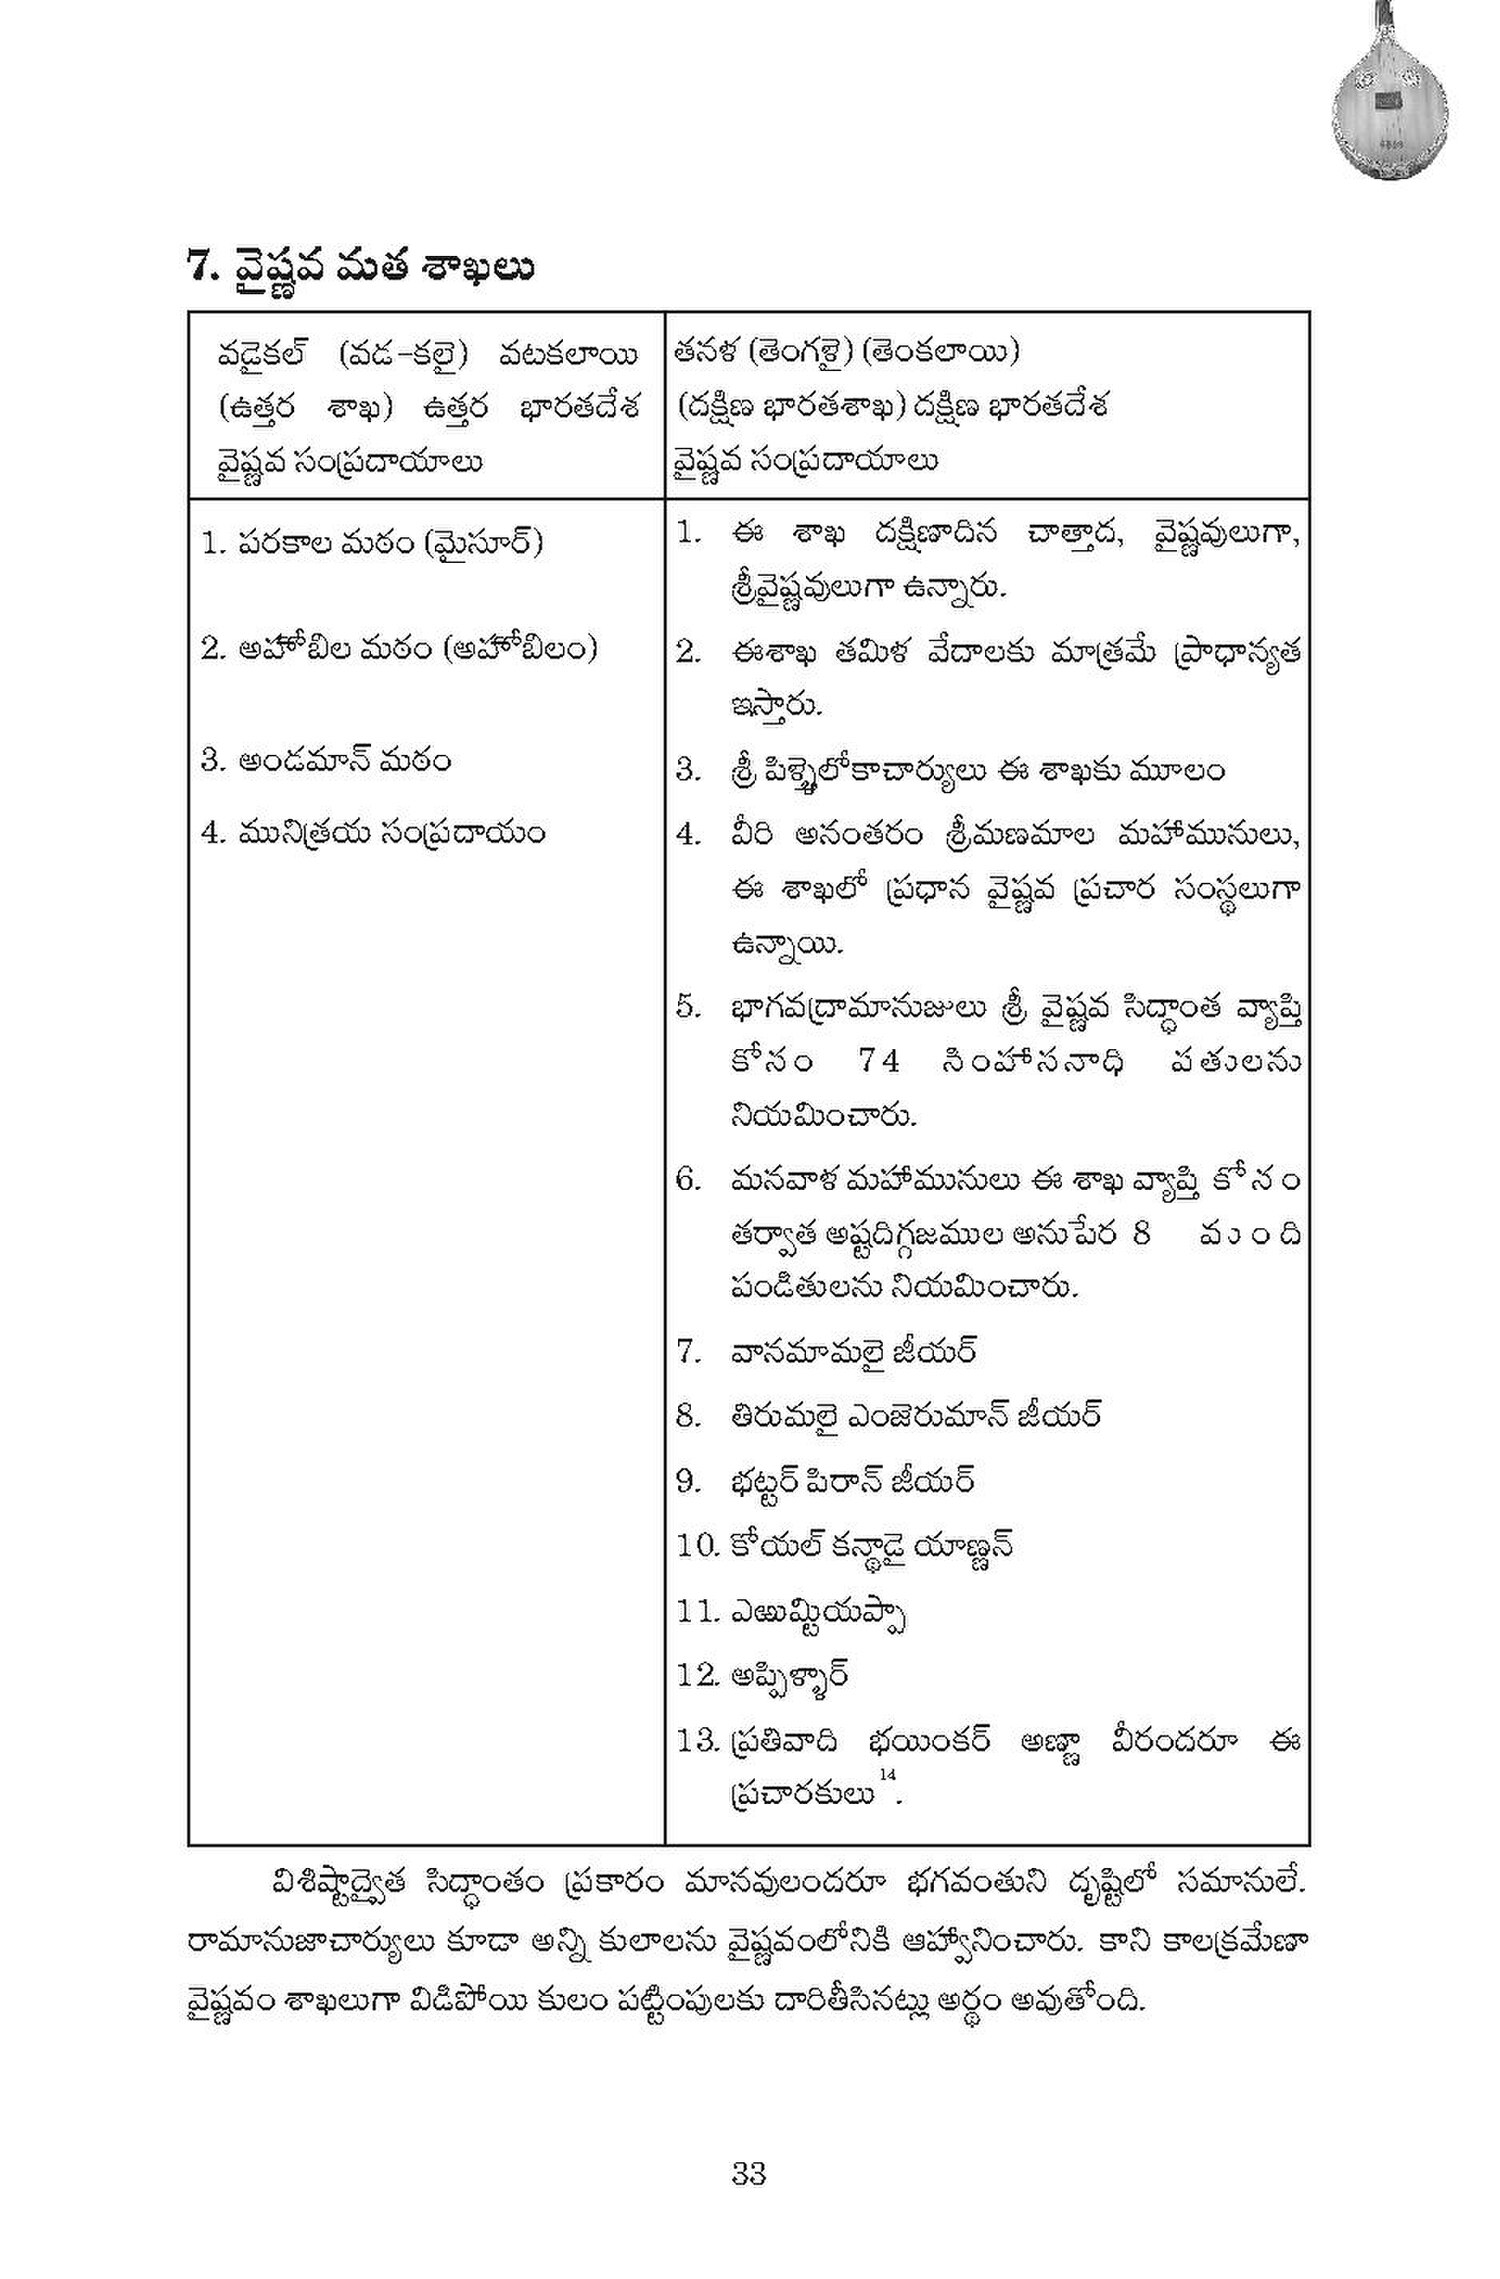7. వైష్ణవ మత శాఖలు 
+ వడైకల్ (వడ-కలై) వటకలాయి (ఉత్తర శాఖ) ఉత్తర భారతదేశ వైష్ణవ సంప్రదాయాలు
 ! తనళ (తెంగళై) (తెంకలాయి) (దక్షిణ భారతశాఖ దక్షిణ భారతదేశ వైష్ణవ సంప్రదాయాలు 1. పరకాల మఠం (మైసూర్ ) 1. ఈ శాఖ దక్షిణాదిన చాత్తాద వైష్ణవులుగా, శ్రీవైష్ణవులుగా ఉన్నారు. 2. అహోబిల మఠం (అహోబిలం) 2. ఈశాఖ తమిళ వేదాలకు మాత్రమే ప్రాధాన్యత ఇస్తారు. 3. అండమాన్ మఠం 3. శ్రీ పిళ్ళైలోకాచార్యులు ఈ శాఖకు మూలం 4. మునిత్రయ సంప్రదాయం 4. వీరి అనంతరం శ్రీమణమాల మహామునులు, ఈ శాఖలో ప్రధాన వైష్ణవ ప్రచార సంస్థలుగా ఉన్నాయి. 5. భాగవద్రామానుజులు శ్రీ వైష్ణవ సిద్ధాంత వ్యాప్తి కోసం 74 సింహాసనాధి పతులను నియమించారు. 6. మనవాళ మహామునులు ఈ శాఖ వ్యాప్తి కోసం తర్వాత అష్టదిగ్గజముల అనుపేర 8 మంది పండితులను నియమించారు. 7. వానమామలై జీయర్ 8. తిరుమలై ఎంజెరుమాన్ జీయర్ 9. భట్టర్ పిరాన్ జీయర్ 10. కోయల్ కన్హాడై యాణ్ణన్ 11. ఎఱుమ్డియప్పా 12. అప్పిళ్ళార్ 13. ప్రతివాది భయంకర్ అణ్ణా వీరందరూ ఈ ప్రచారకులు .
విశిష్టాద్వైత సిద్ధాంతం ప్రకారం మానవులందరూ భగవంతుని దృష్టిలో సమానులే. రామానుజాచార్యులు కూడా అన్ని కులాలను వైష్ణవంలోనికి ఆహ్వానించారు. కాని కాలక్రమేణా వైష్ణవం శాఖలుగా విడిపోయి కులం పట్టింపులకు దారితీసినట్లు అర్థం అవుతోంది.